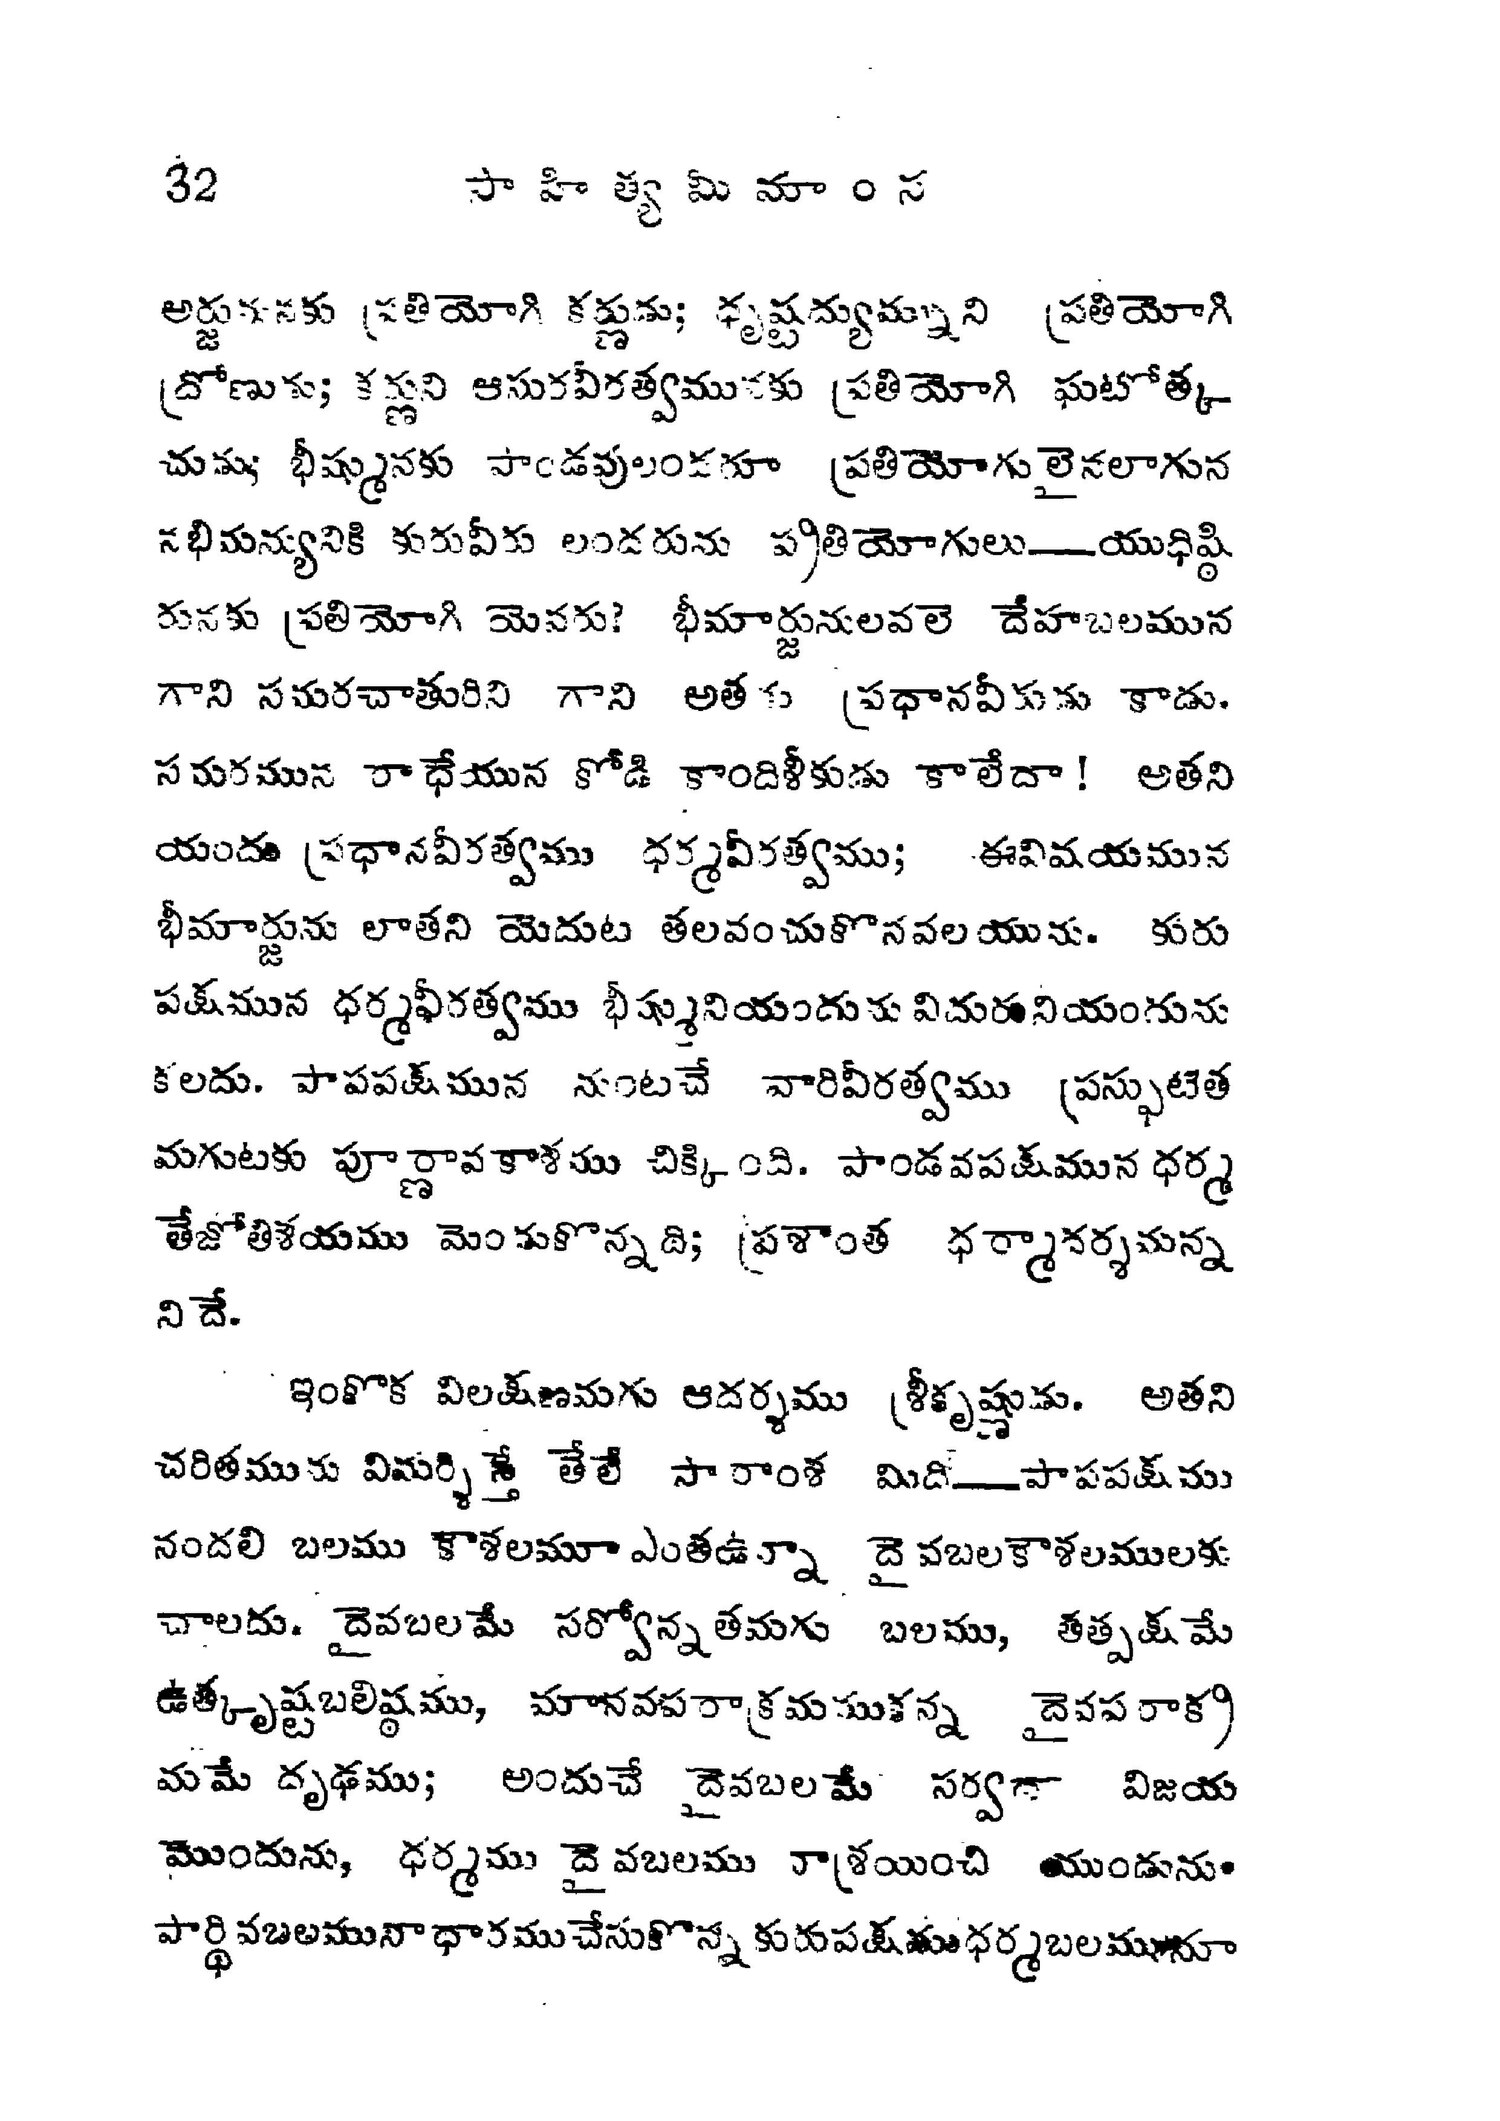అర్జునునకు ప్రతియోగి కర్ణుడు; ధృష్టద్యుమ్నుని ప్రతియోగి ద్రోణుడు; కర్ణుని ఆసురవీరత్వమునకు ప్రతియోగి ఘటోత్కచుడు; భీష్మునకు పాండవులందరూ ప్రతియోగులైనలాగున నభిమన్యునికి కురువీరు లందరును ప్రతియోగులు - యుధిష్ఠిరునకు ప్రతియోగి యెవరు? భీమార్జునులవలె దేహబలమున గాని సమరచాతురని గాని అతడు ప్రధానవీరుడు కాడు. సమరమున రాధేయున కోడి కాందిశీకుడు కాలేదా! అతని యందు ప్రధానవీరత్వము ధర్మవీరత్వము; ఈవిషయమున భీమార్జును లాతని యెదుట తలవంచుకొనవలయును. కురుపక్షమున ధర్మవీరత్వము భీష్మునియందును విదురునియందును కలదు. పాపపక్షమున నుంటచే వారివీరత్వము ప్రస్ఫుటితమగుటకు పూర్ణావకాశము చిక్కింది. పాండవపక్షమున ధర్మతేజోతిశయము మెండుకొన్నది; ప్రశాంత ధర్మాదర్శమన్ననిదే.

ఇంకొక విలక్షణమగు ఆదర్శము శ్రీకృష్ణుడు. అతని చరితమును విమర్శిస్తే తేలే సారాంశ మిది - పాపపక్షము నందలి బలము కౌశలమూ ఎంతఉన్నా దైవబలకౌశలములకు చాలదు. దైవబలమే సర్వోన్నతమగు బలము, తత్పక్షమే ఉత్కృష్టబలిష్ఠము, మానవపరాక్రమముకన్న దైవపారాక్రమమే దృఢము; అందుచే దైవబలమే సర్వదా విజయ మొందును, ధర్మము దైవబలము నాశ్రయించి యుండును. పార్థివబలమునాధారముచేసుకొన్న కురుపక్షము ధర్మబలమునూ